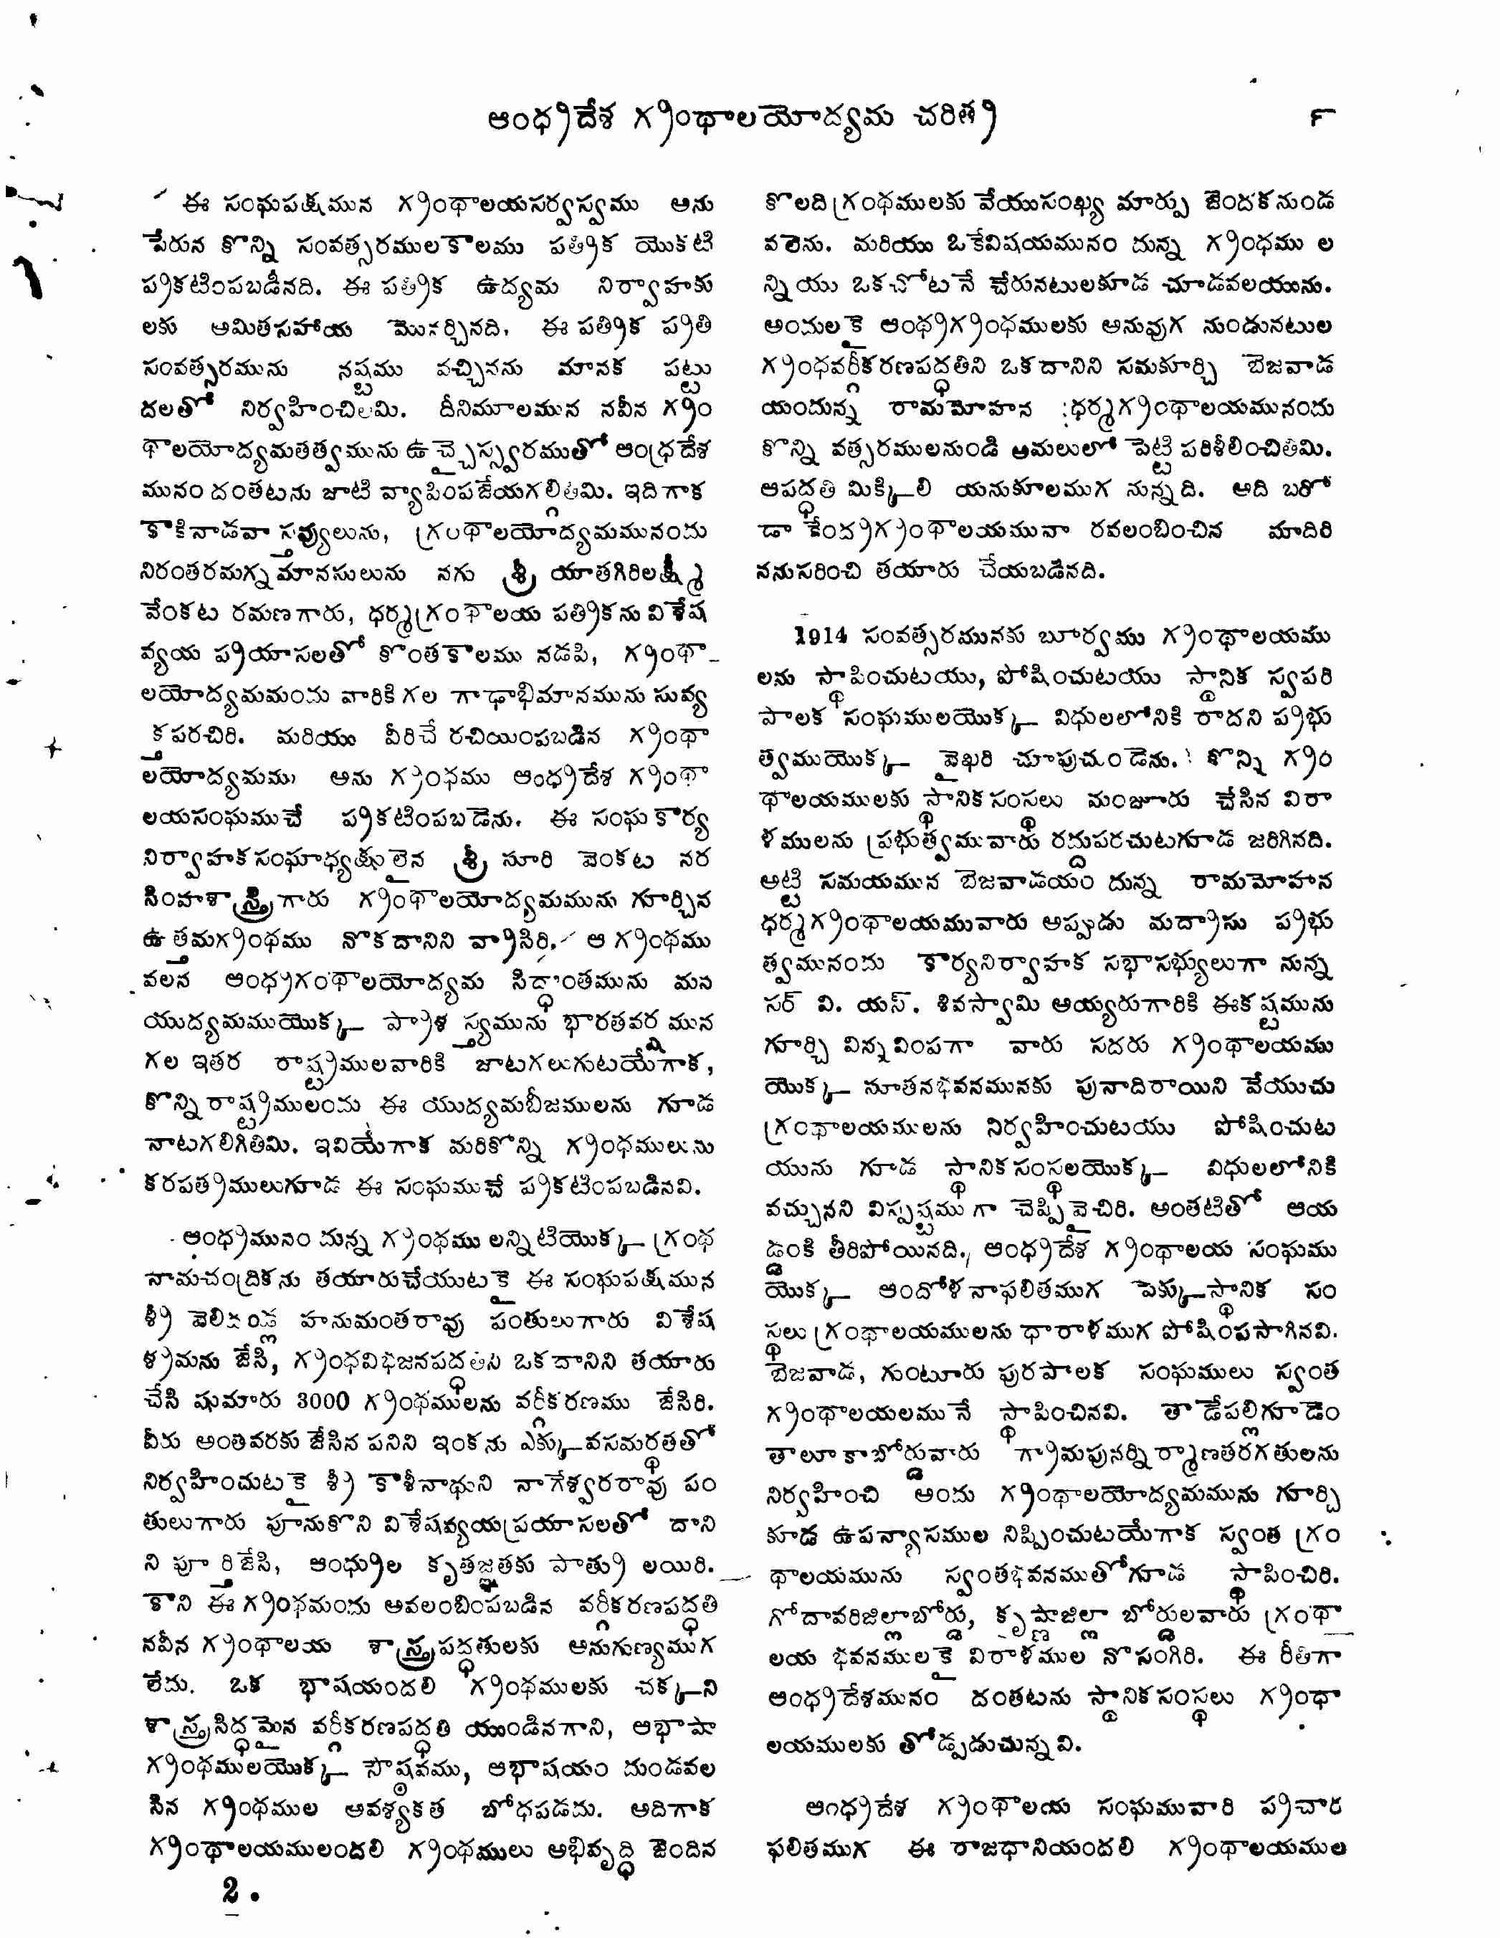ఈ సంఘపక్షమున గ్రంథాలయ సర్వస్వము ఆనుపేరున కొన్ని సంవత్సరముల కాలము పత్రిక యొకటి ప్రకటింపబడినది. ఈ పత్రిక ఉద్యమ నిర్వాహకులకు అమితసహాయ మొనర్చినది. ఈ పత్రిక ప్రతి సంవత్సరమును నష్టము వచ్చినను మానక పట్టుదలతో నిర్వహించిలమి. దీనిమూలమున నవీన గ్రంథాలయోద్య మతత్వమును ఉచ్చైస్స్వరముతో ఆంధ్రదేశమునం దంతటను జాటి వ్యాపింప జేయగలితిమి. ఇదిగాక కాకినాడ వాస్తవ్యులును, గ్రంథాలయోద్యమము నందు నిరంతరమన్న మానసులును నగు శ్రీ యాతగిరి లక్ష్మీ
వేంకట రమణగారు, ధర్మ గ్రంథాలయ పత్రికను విశేషవ్యయ ప్రయాసలతో కొంతకాలము నడపి, గ్రంథాలయోద్యమ మందు వారికిగల గాఢాభిమానమును సువ్యక్తపరచిరి. మరియు వీరిచే రచియింపబడిన గ్రంథాలయోద్యమము అను గ్రంధము ఆంధ్రదేశ గ్రంథాలయ సంఘముచే ప్రకటింపబడెను. ఈ సంఘ కార్యనిర్వాహక సంఘాధ్యక్షులైన శ్రీ సూరి వెంకట నరసింహశా శాస్త్రిగారు గ్రంథాల
యోద్యమమును గూర్చిన ఉత్తమగ్రంథము నొకదానిని వారినిరి. ఆ గ్రంధము వలన ఆంధ్రగంథాలయోద్యమ సిద్ధాంతమును మన
యుద్యమముయొక్క ప్రాశస్యమును భారతవర్ష మునగల ఇతర రాష్ట్రములవారికి జాటగలుగుటయేగాక, కొన్ని రాష్ట్రములందు ఈ యుద్యమబీజములను గూడ నాటగలిగితిమి. ఇవియేగాక మరికొన్ని గ్రంధములును, కరపత్రములుగూడ ఈ సంఘముచే ప్రకటింపబడినవి.

ఆంధ్రమునందున్న గ్రంధములన్నిటి యొక్క గ్రంథ సామచంద్రికను తయారుచేయుటకై ఈ సంఘపక్షమున శ్రీ వెలిజండ్ల 
హనుమంతరావు పంతులుగారు విశేషశ్రమను జేసి, గ్రంధ విభజనపదలని ఒక దానిని తయారుచేసి షుమారు 3000 గ్రంథములను వర్గీకరణము జేసిరి. వీరు అంతవరకు జేసిన పనిని ఇంకను ఎక్కువసమర్థతతో నిర్వహించుటకై శ్రీ కాశీనాథుని నాగేశ్వరరావు 
పంతులుగారు పూనుకొని విశేషవ్యయప్రయాసలతో దానిని పూర్తిచేసి, ఆంధ్రుల కృతజ్ఞతకు పాత్రు అయిరి. కాని ఈ గ్రంధమందు ఆవలంబింపబడిన వర్గీకరణపద్దతి నవీన గ్రంథాలయ శాస్త్ర పద్ధతులకు అనుగుణ్యముగ లేదు. ఒక భాషయందలి గ్రంథములకు
చక్కని శాస్త్ర సిద్ధమైన వర్గీకరణపద్దతి యుండిన గాని, ఆభాషా గ్రంధములయొక్క సౌష్టవము, ఆభాషయందుండవలసిన గ్రంధముల ఆవశ్యకత బోధపడదు. ఆదిగాక గ్రంథాలయములందలి గ్రంధములు అభివృద్ధి జెందిన కొలది గ్రంథములకు వేయుసంఖ్య మార్పు చెందక నుండవలెను. మరియు ఒకేవిషయమునందున్న గ్రంధములన్నియు ఒకచోటనే చేరునటుల కూడ చూడవలయును.
అందులకై ఆంధ్రగ్రంధములకు అనువుగ నుండునటుల గ్రంథ వర్గీకరణపద్ధతిని ఒక దానిని సమకూర్చి బెజవాడ యందున్న రామమోహన ధర్మగ్రంథాలయము నందు కొన్ని వత్సరములనుండి అమలులో పెట్టి పరిశీలించితిమి. ఆపద్దతి మిక్కిలి 
యనుకూలముగ నున్నది. ఆది బరోడా కేంద్ర గ్రంథాలయమునా రవలంబించిన మాదిరి ననుసరించి తయారు చేయబడినది.

1914 సంవత్సరమునకు బూర్వము గ్రంథాలయములను స్థాపించుటయు, పోషించుటయు స్థానిక స్వపరిపాలక సంఘముల యొక్క విధులలోనికి రాదని ప్రభుత్వముయొక్క వైఖరి చూపుచుండెను. కొన్ని గ్రంథాలయములకు సానిక సంస్థలు మంజూరు చేసిన 
విరాళములను ప్రభుత్వమువారు రద్దుపరచుటగూడ జరిగినది. అటి సమయమున బెజవాడ యందున్న రామమోహన ధర్మ గ్రంథాలయమువారు అప్పుడు మద్రాసు ప్రభుత్వమునందు కార్యనిర్వాహక సభాసభ్యులుగా నున్న సర్ వి. యస్. శివస్వామి అయ్యరు గారికి ఈ కష్టమును గూర్చి విన్న వింపగా వారు సదరు గ్రంథాలయము యొక్క నూతన భవనమునకు పునాదిరాయిని వేయుచు
గ్రంథాలయములను నిర్వహించుటయు పోషించుటయును గూడ స్థానిక సంస్థల యొక్క విధులలోనికి వచ్చునని విస్పష్టముగా చెప్పి వైచిరి. అంతటితో ఆయడ్లంకి తీరిపోయినది. ఆంధ్రదేశ గ్రంథాలయ సంఘము యొక్క ఆందోళ నాఫలితముగ పెక్కుస్థానిక సంస్థలు గ్రంథాలయములను ధారాళముగ పోషింపసాగినవి. బెజవాడ, గుంటూరు పురపాలక సంఘములు స్వంత గ్రంథాలయలమునే స్థాపించినవి. తాడేపల్లిగూడెం తాలూకా బోర్డువారు గ్రామపునర్నిర్మాణ తరగతులను నిర్వహించి అందు గ్రంథాలయోద్యమమును గూర్చి
కూడ ఉపన్యాసముల నిప్పించుటయేగాక స్వంత గ్రంథాలయమును స్వంతభవనముతో గూడ సాపించిరి. గోదావరి జిల్లాబోర్డు,కృష్ణాజిల్లా బోర్డుల వారు గ్రంథాలయ భవనములకై విరాళముల నొసంగిరి. ఈ రీతిగా ఆంధ్ర దేశమునందంతటను స్థానిక సంస్థలు గ్రంధా
లయములకు తోడ్పడుచున్నవి.

ఆంధ్రదేశ గ్రంథాలయ సంఘమువారి ప్రచార ఫలితముగ ఈ రాజధానియందలి గ్రంథాలయముల